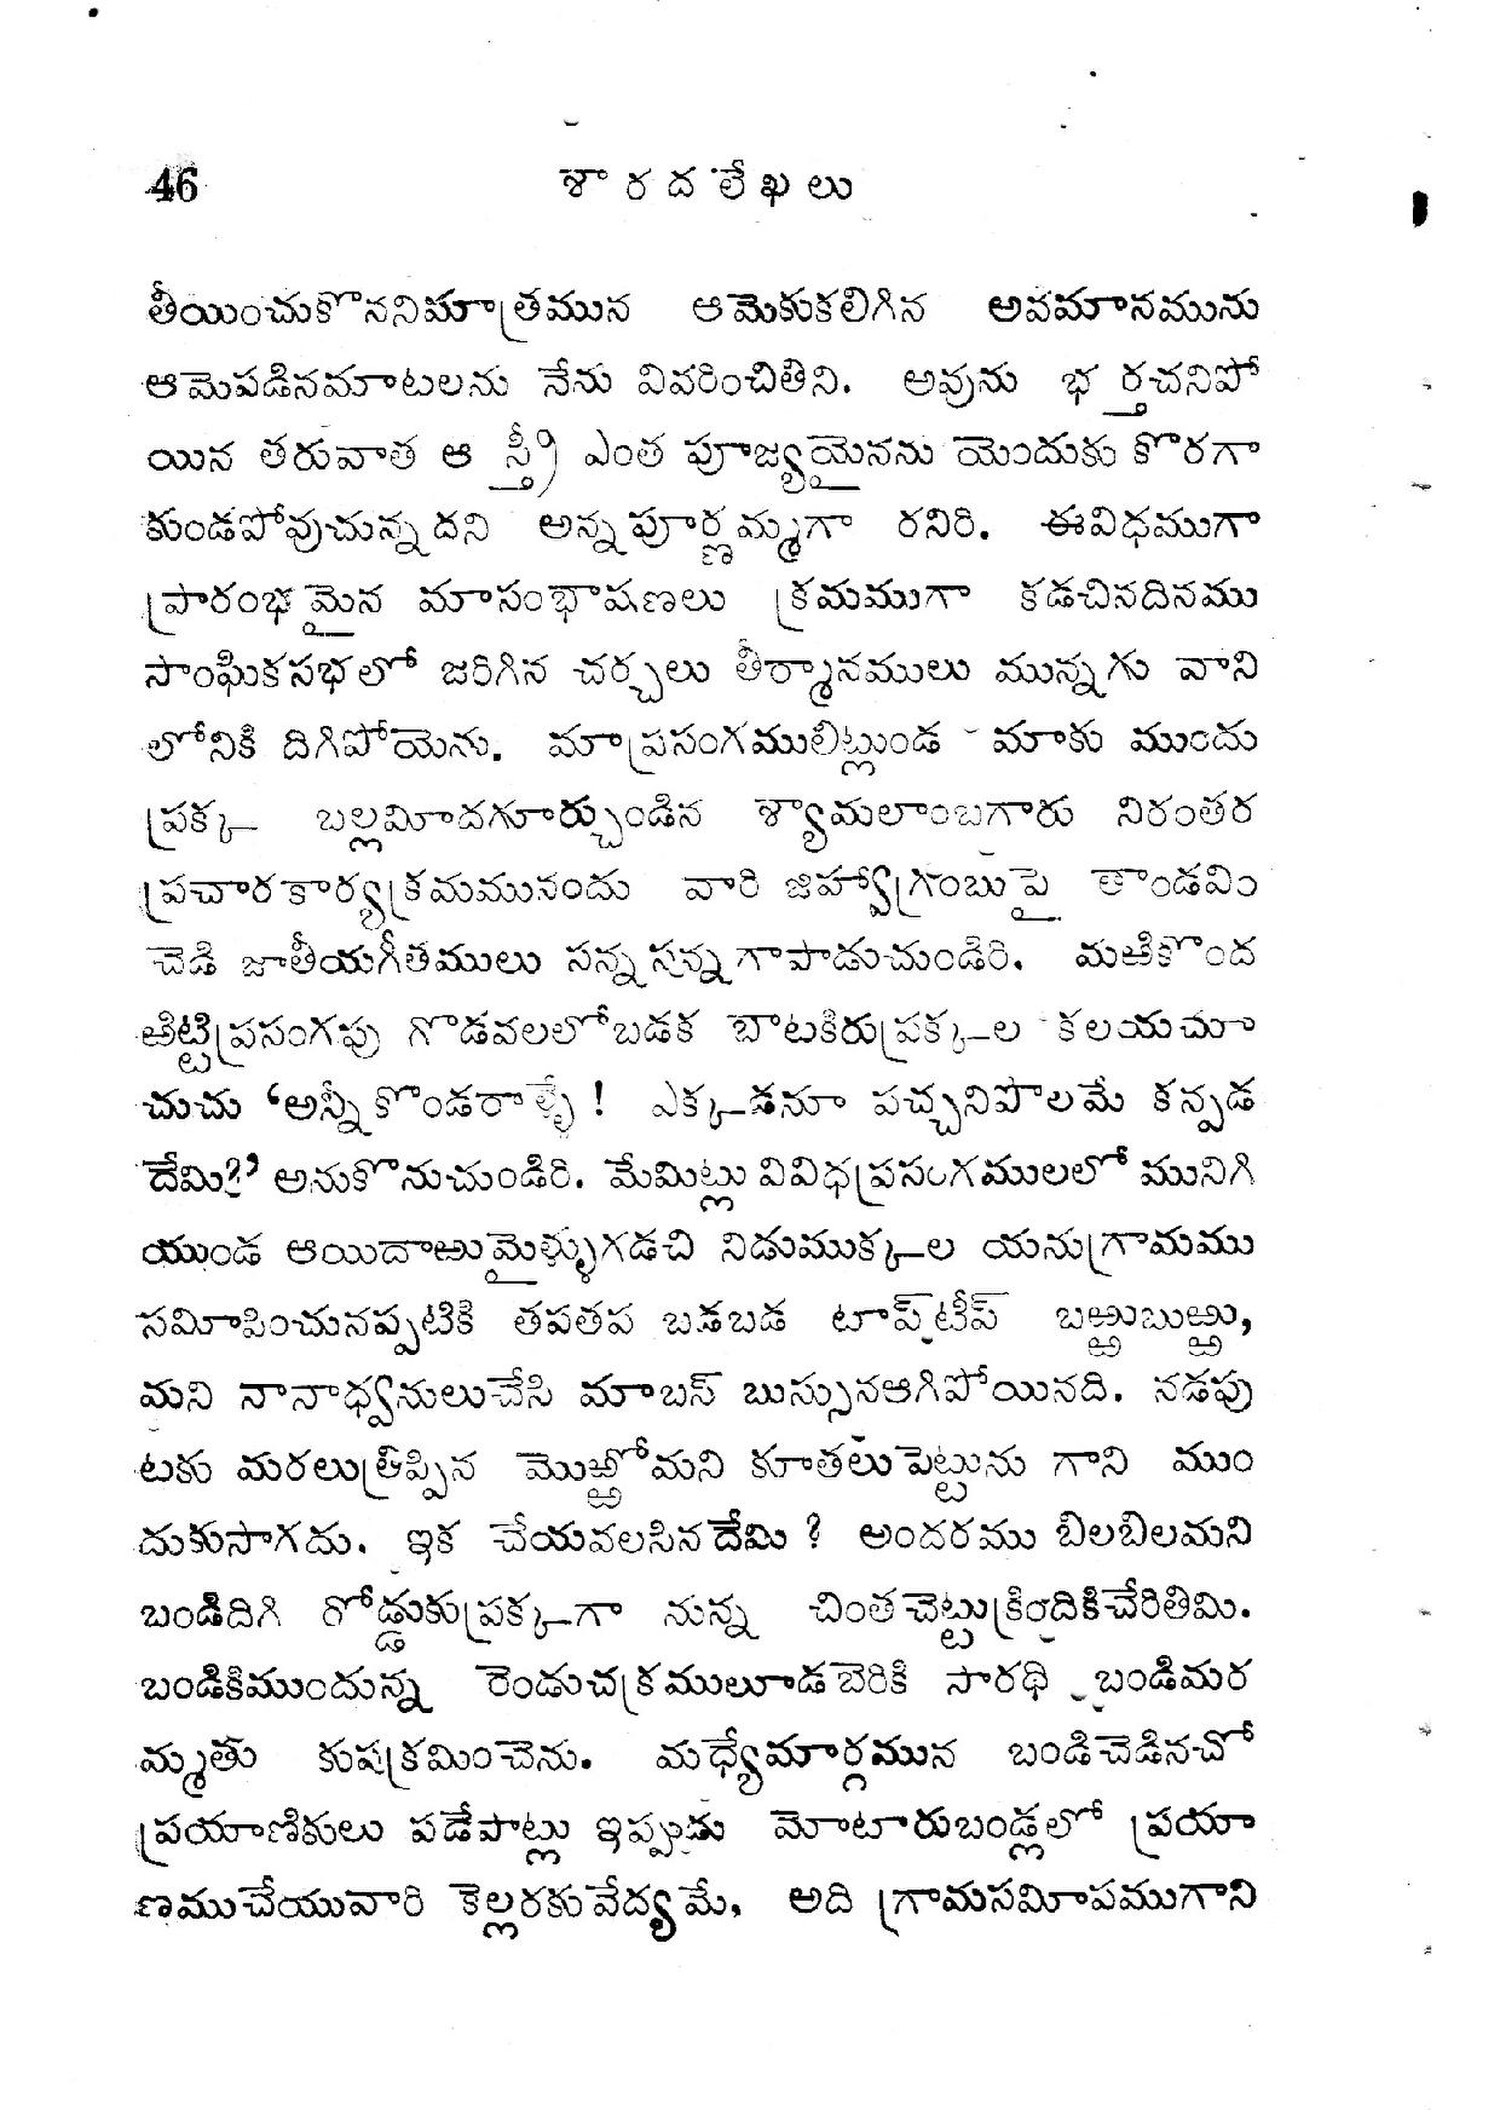తీయించుకొననిమాత్రమున ఆమెకు కలిగిన అవమానమును
ఆమెపడినమాటలను నేను వివరించితిని. అవును భర్త చనిపో
యిన తరువాత ఆ స్త్రీ ఎంత పూజ్యయైనను యెందుకు కొరగా
కుండపోవుచున్నదని అన్నపూర్ణమ్మగా రనిరి. ఈ విధముగా
ప్రారంభ మైన మాసంభాషణలు క్రమముగా కడచినదినము
సాంఘిక సభలో జరిగిన చర్చలు తీర్మానములు మున్నగు వాని
లోనికి దిగిపోయెను. మా ప్రసంగములిట్లుండ మాకు ముందు
ప్రక్క బల్లమీదగూర్చుండిన శ్యామలాంబగారు నిరంతర
ప్రచార కార్యక్రమమునందు వారి జిహ్వాగ్రంబుపై తాండవిం
చెడి జాతీయగీతములు సన్న సన్న గాపాడుచుండిరి. మఱికొంద
ఱిట్టిప్రసంగపు గొడవలలో బడక బాటకిరుప్రక్కల కలయచూ
చుచు 'అన్నీ కొండరాళ్ళే! ఎక్కడనూ పచ్చనిపొలమే కన్పడ
దేమి?” అనుకొనుచుండిరి. మేమిట్లు వివిధ ప్రసంగములలో మునిగి
యుండ ఆయిదాఱు మైళ్ళు గడచి నిడుముక్కల యనుగ్రామము
సమీపించునప్పటికి తపతప బడబడ టాప్ టీప్ బఱ్ఱుబఱ్ఱు,
మని నానాధ్వనులు చేసి మాబస్ బుస్సున ఆగిపోయినది. నడపు
టకు మరలుత్రిప్పిన మొఱ్ఱోమని కూతలు పెట్టును గాని ముం
దుకుసాగదు. ఇక చేయవలసిన దేమి ? అందరము బిలబిలమని
బండిదిగి రోడ్డుకు ప్రక్కగా నున్న చింత చెట్టుక్రిందికి చేరితిమి.
బండికిముందున్న రెండు చక్రములూడ బెరికి సారథి బండిమర
మ్మతు కుపక్రమించెను. మధ్యేమార్గమున బండి చెడినచో
ప్రయాణికులు పడే పాట్లు ఇప్పుడు మోటారు బండ్లలో ప్రయా
ణముచేయువారి కెల్లరకు వేద్యమే, అది గ్రామసమీపముగాని